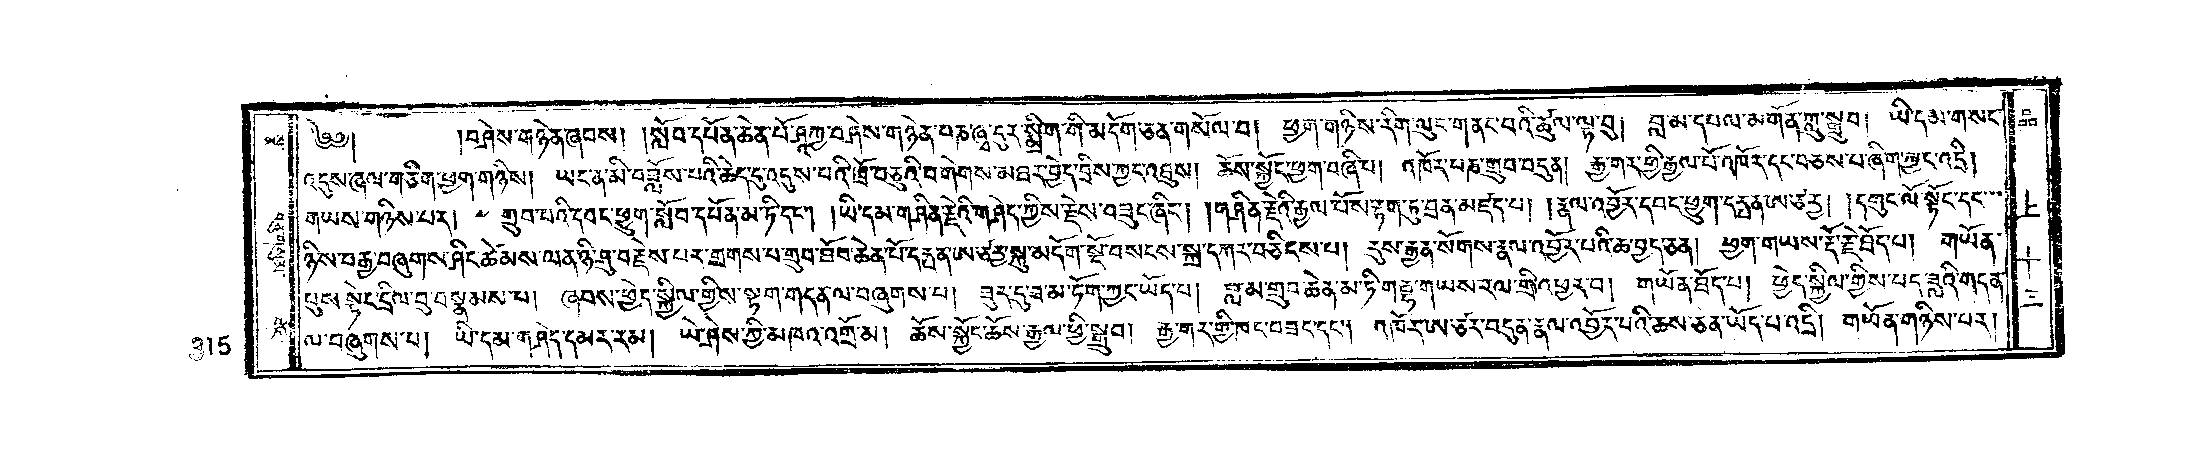༄༅། །བཤེས་གཉེན་ཞབས། །སློབ་དཔོན་ཆེན་པོ་ཤཱཀྱ་བཤེས་གཉེན་པཎ་ཞྭ་ངུར་སྨྲིག་གི་མདོག་ཅན་གསོལ་བ། ཕྱག་གཉིས་རིག་ལུང་གནང་བའི་ཚུལ་ལྟ་བུ། བླ་མ་དཔལ་མགོན་ཀླུ་སྒྲུབ། ཡི་དམ་གསང་
འདུས་ཞལ་གཅིག་ཕྱག་གཉིས། ཡང་ན་མི་བཟློས་པའི་ཆེད་དུ་འདུས་པའི་ཁྲོ་བཅུའི་བགེགས་མཐར་བྱེད་བྲིས་ཀྱང་འཐུས། ཆོས་སྐྱོང་ཕྱག་བཞི་པ། འཁོར་པཎ་གྲུབ་བདུན། རྒྱ་གར་གྱི་རྒྱལ་པོ་འཁོར་དང་བཅས་པ་ཞིག་ཀྱང་འདྲི།
གཡས་གཉིས་པར། ༧་གྲུབ་པའི་དབང་ཕྱུག་སློབ་དཔོན་མ་ཏི་དང་། །ཡིད་དམ་གཤིན་རྗེའི་གཤེད་ཀྱིས་རྗེས་བཟུང་ཞིང་། །གཤིན་རྗེའི་རྒྱལ་པོས་རྟག་ཏུ་བྲན་མཛད་པ། །རྣལ་འབྱོར་དབང་ཕྱུག་དརྤན་ཨ་ཙརྱ། །དགུང་ལོ་སྟོང་དང་
ཉིས་བརྒྱ་བཞུགས་ཤིང་ཚེམས་ལན་ཉི་ཤུ་བརྗེས་པར་གྲགས་པ་གྲུབ་ཐོབ་ཆེན་པོ་དརྤན་ཨ་ཙརྱ་སྐུ་མདོག་སྔོ་བསངས་སྐྲ་དཀར་བཅིངས་པ། རུས་རྒྱན་སོགས་རྣལ་འབྱོར་པའི་ཆ་བྱད་ཅན། ཕྱག་གཡས་རྡོ་རྗེ་ཐོད་པ། གཡོན་
པུས་སྟེང་དྲིལ་བུ་བསྣམས་པ། ཞབས་ཕྱེད་སྐྱིལ་གྱིས་སྟག་གདན་ལ་བཞུགས་པ། ཟུར་དུ་ཟ་མ་ཏོག་ཀྱང་ཡོད་པ། བླ་མ་གྲུབ་ཆེན་མ་ཏི་གརྦྷ་གཡས་རལ་གྲི་འཕྱར་བ། གཡོན་ཐོད་པ། ཕྱེད་སྐྱིལ་གྱིས་པད་ཟླའི་གདན་
ལ་བཞུགས་པ། ཡི་དམ་གཤེད་དམར་རམ། ཡེ་ཤེས་ཀྱི་མཁའ་འགྲོ་མ། ཆོས་སྐྱོང་ཆོས་རྒྱལ་ཕྱི་སྒྲུབ། རྒྱ་གར་གྱི་ཁང་བཟང་དང་། འཁོར་ཨ་ཙར་བདུན་རྣལ་འབྱོར་པའི་ཆས་ཅན་ཡོད་པ་འདྲི། གཡོན་གཉིས་པར།